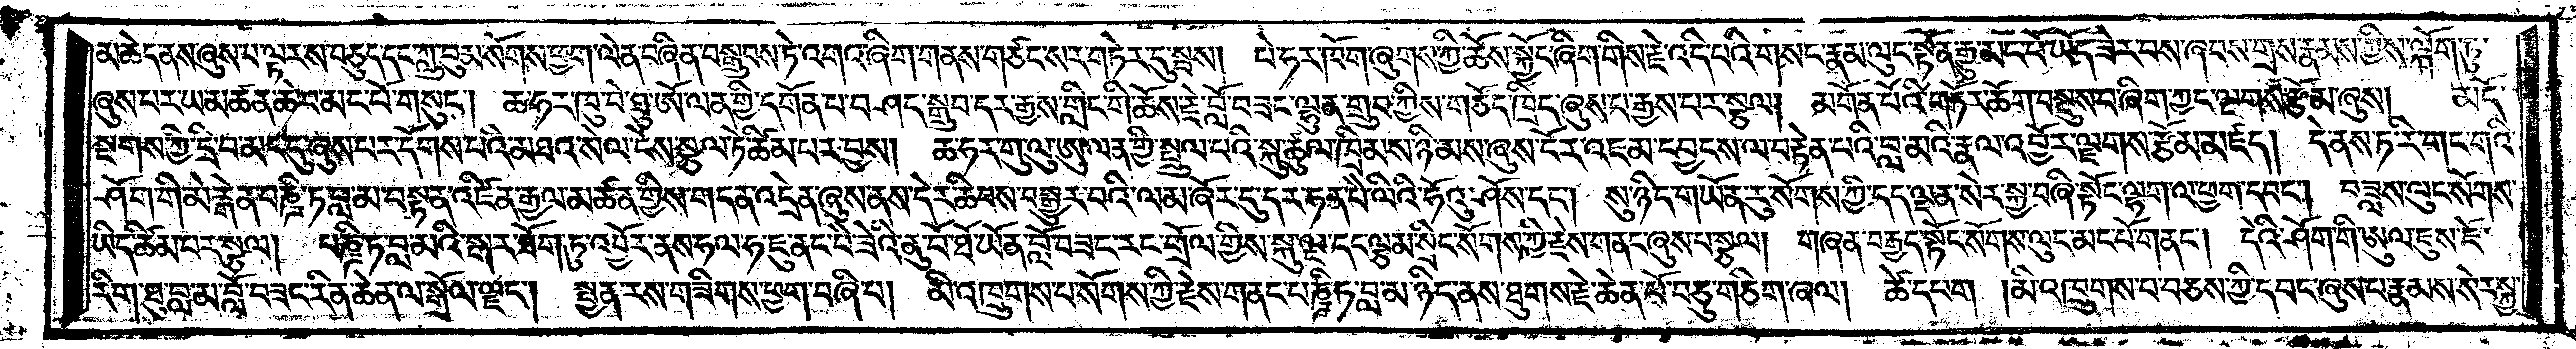མཆེད་ནས་ཞུས་པ་ལྟར་ས་བཅུད་དང་ཀླུ་བུམ་སོགས་ཕྱག་ལེན་བཞིན་བསྒྲུབས་ཏེ་འགའ་ཞིག་གནས་གཙང་སར་གཏེར་དུ་སྦས། པེ་ཧར་ཁོག་ཞུགས་ཀྱི་ཆོས་སྐྱོང་ཞིག་གིས་རྗེ་འདི་པའི་གསང་རྣམ་ལུང་སྟོན་རྒྱུ་མང་པོ་ཡོད་ཟེར་བས་ཞབས་གྲས་རྣམས་ཀྱིས་ལྐོག་ཏུ་
ཞུས་པར་ཡ་མཚན་ཆེ་བ་མང་པོ་གསུང་། ཆ་ཧར་ཁུ་བེ་ཐུ་ཨོ་ལན་གྱི་དགོན་པ་བཤད་སྒྲུབ་དར་རྒྱས་གླིང་གི་ཆོས་རྗེ་བློ་བཟང་ལྷུན་གྲུབ་ཀྱིས་གཅོད་ཁྲིད་ཞུས་པ་རྒྱས་པར་སྩལ། མགོན་པོའི་གཏོར་ཆོག་བསྡུས་པ་ཞིག་ཀྱང་ལྗགས་རྩོམ་ཞུས། མདོ་
སྔགས་ཀྱི་དྲི་བ་མང་དུ་ཞུས་པར་དོགས་པའི་མཐའ་སལ་ངེས་སྩལ་ཏེ་ཚིམ་པར་བྱས། ཆ་ཧར་གུ་ལུ་ཨུ་ལན་གྱི་སྤྲུལ་པའི་སྐུ་ཚུལ་ཁྲིམས་ཉི་མས་ཞུས་ངོར་འཇམ་དབྱངས་ལ་བརྟེན་པའི་བླ་མའི་རྣལ་འབྱོར་ལྗགས་རྩོམ་མཛད། དེ་ནས་ཏ་རི་གང་གའི་
ཤོག་གི་མེརྒེན་པཎྜི་ཏ་བླ་མ་བསྟན་འཛིན་རྒྱལ་མཚན་གྱིས་གདན་འདྲེན་ཞུས་ནས་དེར་ཆིབས་བསྒྱུར་བའི་ལམ་ཞོར་དུ་དར་ཧན་པཻ་ལིའི་ཧོའུ་ཤོས་དང་། སུ་ཉིད་གཡོན་རུ་སོགས་ཀྱི་དད་ལྡན་སེར་སྐྱ་བཞི་སྟོང་ལྷག་ལ་ཕྱག་དབང་། བཟླས་ལུང་སོགས་
ཡིད་ཚིམ་པར་སྩལ། པཎྜི་ཏ་བླ་མའི་སྒར་ཐོག་ཏུ་འབྱོར་ནས་ཧལ་ཧ་ཇུ་ནང་པ་ཟེའི་ནུ་བོ་ཐོ་ཡོན་བློ་བཟང་རང་གྲོལ་གྱིས་སྐུ་ལྔ་དང་ལྕམ་སྲིང་སོགས་ཀྱི་རྗེས་གནང་ཞུས་པ་སྩལ། གཞན་བརྒྱད་སྟོང་སོགས་ལུང་མང་པོ་གནང་། དེའི་ཤོག་གི་ཨུལ་ཇུས་ཇོ་
རིག་ཐུ་བླ་མ་བློ་བཟང་རིན་ཆེན་ལ་སྒྲོལ་ལྗང་། སྤྱན་རས་གཟིགས་ཕྱག་བཞི་པ། མི་འཁྲུགས་པ་སོགས་ཀྱི་རྗེས་གནང་པཎྜི་ཏ་བླ་མ་ཉིད་ནས་ཐུགས་རྗེ་ཆེན་པོ་བཅུ་གཅིག་ཞལ། ཚེ་དཔག །མི་འཁྲུགས་པ་བཅས་ཀྱི་དབང་ཞུས་པ་རྣམས་སེར་སྐྱ་